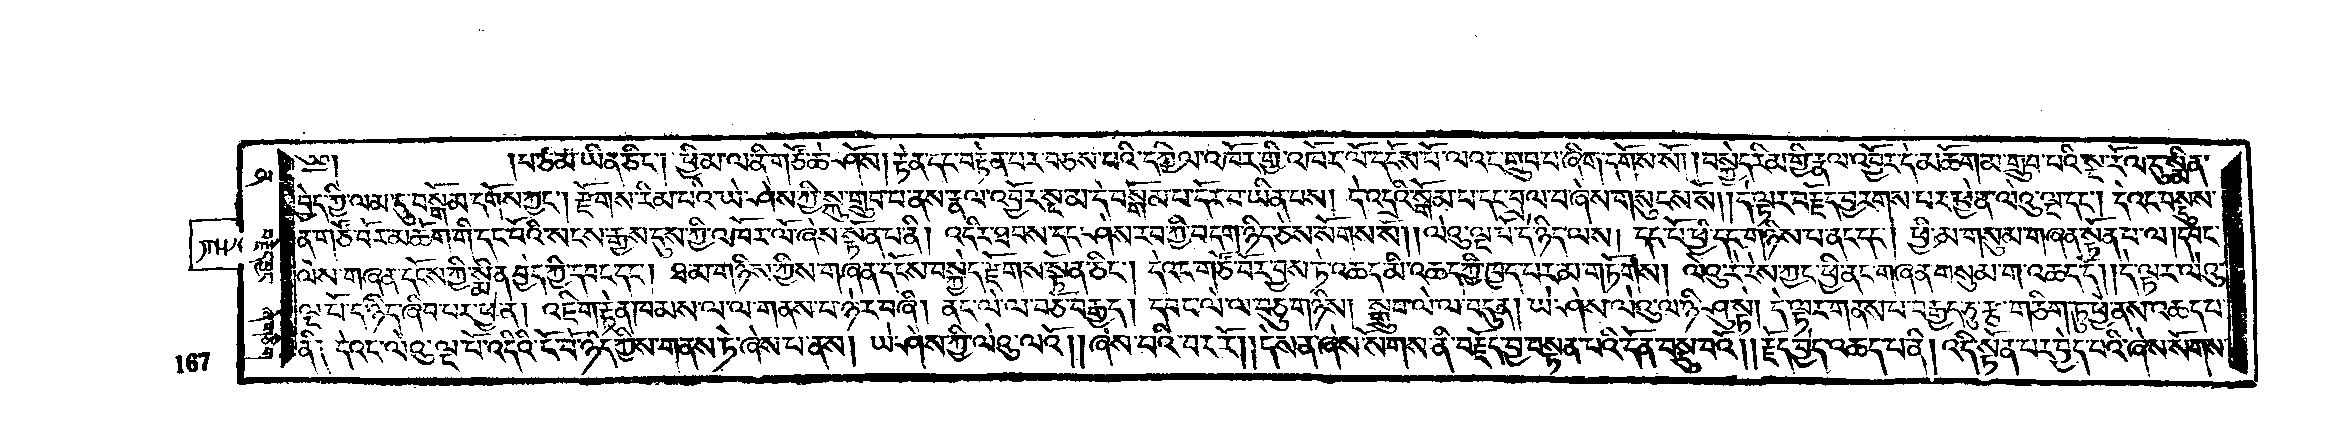༄༅། །པ་ཙམ་ཡིན་ཅིང་། ཕྱི་མ་ལ་ནི་གཙོ་ཆེ་ཤོས། རྟེན་དང་བརྟེན་པར་བཅས་པའི་དཀྱིལ་འཁོར་གྱི་འཁོར་ལོ་དངོས་པོ་ལའང་གྲུབ་པ་ཞིག་དགོས་སོ། །བསྐྱེད་རིམ་གྱི་རྣལ་འབྱོར་དེ་མཆོག་མ་གྲུབ་པའི་སྔ་རོལ་དུ་སྨིན་
བྱེད་ཀྱི་ལམ་དུ་བསྒོམ་དགོས་ཀྱང་། རྫོགས་རིམ་པའི་ཡེ་ཤེས་ཀྱི་སྐུ་གྲུབ་པ་ནས་རྣལ་འབྱོར་སྔ་མ་དེ་བསྒོམ་པ་དོར་བ་ཡིན་པས། དེ་འདྲའི་སྒོམ་པ་དང་བྲལ་བ་ཞེས་གསུངས་སོ། །དེ་ལྟར་བརྗོད་བྱ་རགས་པར་ཕྱེ་ན་ལེའུ་ལྔ་དང་། དེའང་བསྡུས་
ན་གཙོ་བོར་མཆོག་གི་དང་པོའི་སངས་རྒྱས་དུས་ཀྱི་འཁོར་ལོ་ཞེས་སྟོན་པ་ནི། འདིར་ཐབས་དང་ཤེས་རབ་ཀྱི་བདག་ཉིད་ཅེས་སོགས་སོ། །ལེའུ་ལྔ་པོ་དེ་ཉིད་ལས། དང་པོ་ཕྱི་དང་གཉིས་པ་ནང་དང་། ཕྱི་མ་གསུམ་གཞན་སྟོན་པ་ལ། དབང་
ལེས་གཞན་དངོས་ཀྱི་སྨིན་བྱེད་ཀྱི་དབང་དང་། ཐ་མ་གཉིས་ཀྱིས་གཞན་དངོས་བསྐྱེད་རྫོགས་སྟོན་ཅིང་། དེའང་གཙོ་བོར་བྱས་ཏེ་འཆད་མི་འཆད་ཀྱི་ཁྱད་པར་མ་གཏོགས། ལེའུ་རེ་རེས་ཀྱང་ཕྱི་ནང་གཞན་གསུམ་ག་འཆད་དོ། །དེ་ལྟར་ལེའུ་
ལྔ་པོ་དེ་ཉིད་ཞིབ་པར་ཕྱེ་ན། འཇིག་རྟེན་ཁམས་ལ་ལ་གནས་པ་ཉེར་བཞི། ནང་ལེ་ལ་བཅོ་བརྒྱད། དབང་ལེ་ལ་བཅུ་གཉིས། སྒྲུབ་ལེ་ལ་བདུན། ཡེ་ཤེས་ལེའུ་ལ་ཉི་ཤུ་སྟེ། དེ་ལྟར་གནས་པ་བརྒྱད་ཅུ་རྩ་གཅིག་ཏུ་ཕྱི་ནས་འཆད་པ་
ནི། དེའང་ལེའུ་ལྔ་པོ་འདིའི་ངོ་བོ་ཉིད་ཀྱིས་གནས་ཏེ་ཞེས་པ་ནས། ཡེ་ཤེས་ཀྱི་ལེའུ་ལའོ། །ཞེས་པའི་བར་རོ། །དེས་ན་ཞེས་སོགས་ནི་བརྗོད་བྱ་བསྟན་པའི་དོན་བསྡུ་བའོ། །རྗོད་བྱེད་འཆད་པ་ནི། འདི་སྟོན་པར་བྱེད་པའི་ཞེས་སོགས་